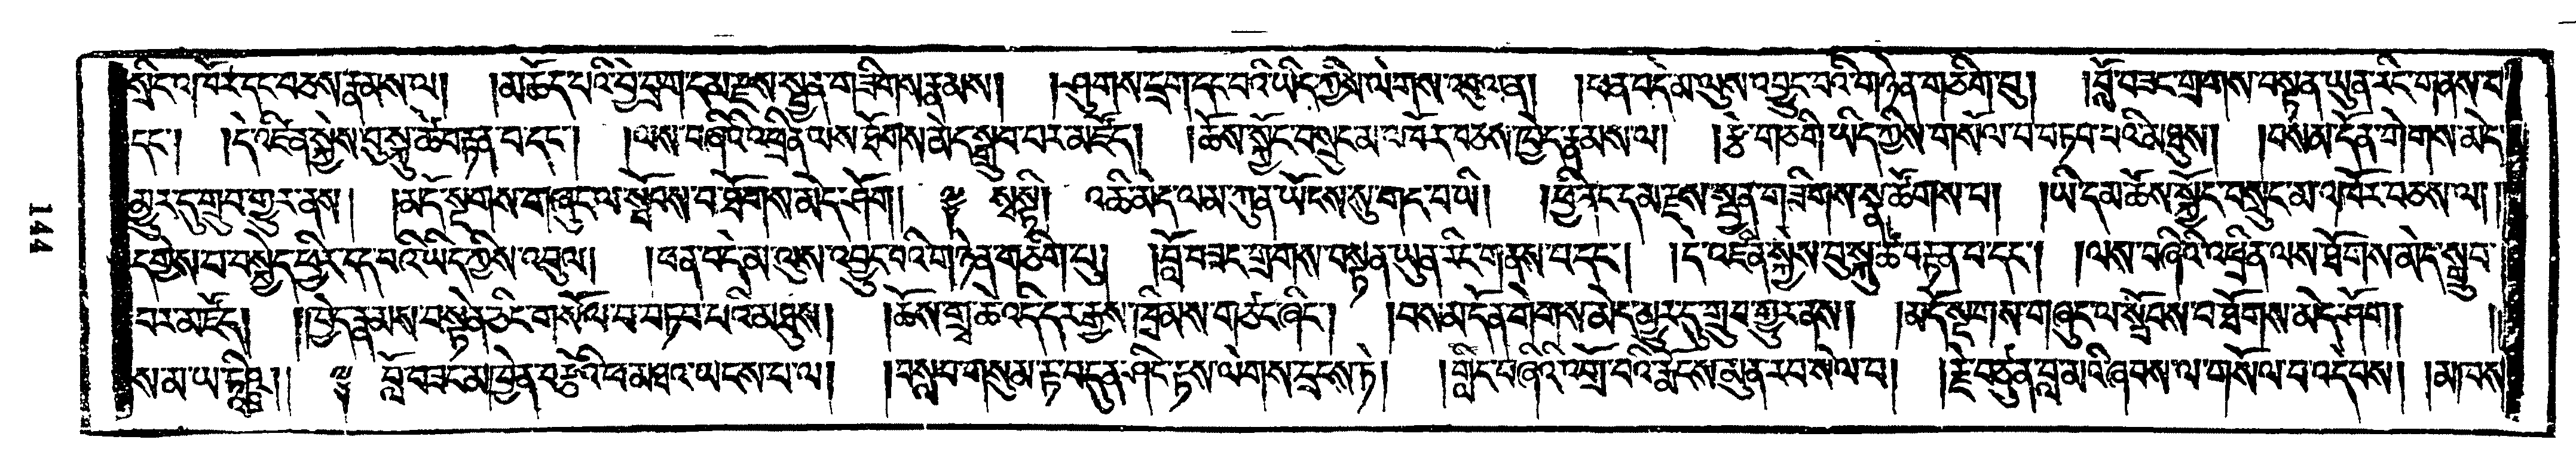སྲིང་འཁོར་དང་བཅས་རྣམས་ལ། །མཆོད་པའི་བྱེ་བྲག་དམ་རྫས་སྤྱན་གཟིགས་རྣམས། །ཤུགས་དྲག་དང་བའི་ཡིད་ཀྱིས་ལེགས་འབུལ་ན། །ཕན་བདེ་མ་ལུས་འབྱུང་བའི་གཉེན་གཅིག་པུ། །བློ་བཟང་གྲགས་བསྟན་ཡུན་རིང་གནས་བ་
དང་། །དེ་འཛིན་སྐྱེས་བུ་སྐུ་ཚེ་བརྟན་བ་དང་། །ལས་བཞིའི་འཕྲིན་ལས་ཐོགས་མེད་སྒྲུབ་པར་མཛོད། །ཆོས་སྐྱོང་བསྲུང་མ་འཁོར་བཅས་ཁྱེད་རྣམས་ལ། །རྩེ་གཅིག་ཡིད་ཀྱིས་གསོལ་བ་བཏབ་པའི་མཐུས། །བསམ་དོན་གེགས་མེད་
མྱུར་དུ་གྲུབ་གྱུར་ནས། །མདོ་སྔགས་གཞུང་ལ་སྤོབས་བ་ཐོགས་མེད་ཤོག ། ༈ སྭསྟི། འཆི་མེད་ལམ་ཀུན་ཡོངས་སུ་གང་བ་ཡི། །ཕྱི་ནང་དམ་རྫས་སྤྱན་གཟིགས་སྣ་ཚོགས་པ། །ཡི་དམ་ཆོས་སྐྱོང་བསྲུང་མ་འཁོར་བཅས་ལ། །
དགྱེས་པ་བསྐྱེད་ཕྱིར་དད་པའི་ཡིད་ཀྱིས་འབུལ། །ཕན་བདེ་མ་ལུས་འབྱུང་བའི་གཉེན་གཅིག་པུ། །བློ་བཟང་གྲགས་བསྟན་ཡུན་རིང་གནས་པ་དང་། །དེ་འཛིན་སྐྱེས་བུ་སྐུ་ཚེ་བརྟན་པ་དང་། །ལས་བཞིའི་འཕྲིན་ལས་ཐོགས་མེད་སྒྲུབ་
བར་མཛོད། །ཁྱེད་རྣམས་བསྟེན་ཅིང་གསོལ་བ་བཏབ་པའི་མཐུས། །ཆོས་གྲྭ་ཆེ་འདི་དར་རྒྱས་ཁྲིམས་གཙང་ཞིང་། །བསམ་དོན་གེགས་མེད་མྱུར་དུ་གྲུབ་གྱུར་ནས། །མདོ་སྔགས་གཞུང་ལ་སྦོབས་བ་ཐོགས་མེད་ཤོག། །།
ས་མ་ཡ་ཏཱིཥཊཿཨ།། ༈ བློ་བཟང་མཁྱེན་བརྩེའི་ཕ་མཐའ་ཡངས་པ་ལ། །བསླབ་གསུམ་རྟ་བདུན་ཤིང་རྟས་ལེགས་དྲངས་ཏེ། །གླིང་བཞིའི་འགྲོ་བའི་རྨོངས་མུན་རབ་སེལ་བ། །རྗེ་བཙུན་བླ་མའི་ཞབས་ལ་གསོལ་བ་འདེབས། །མཁས་